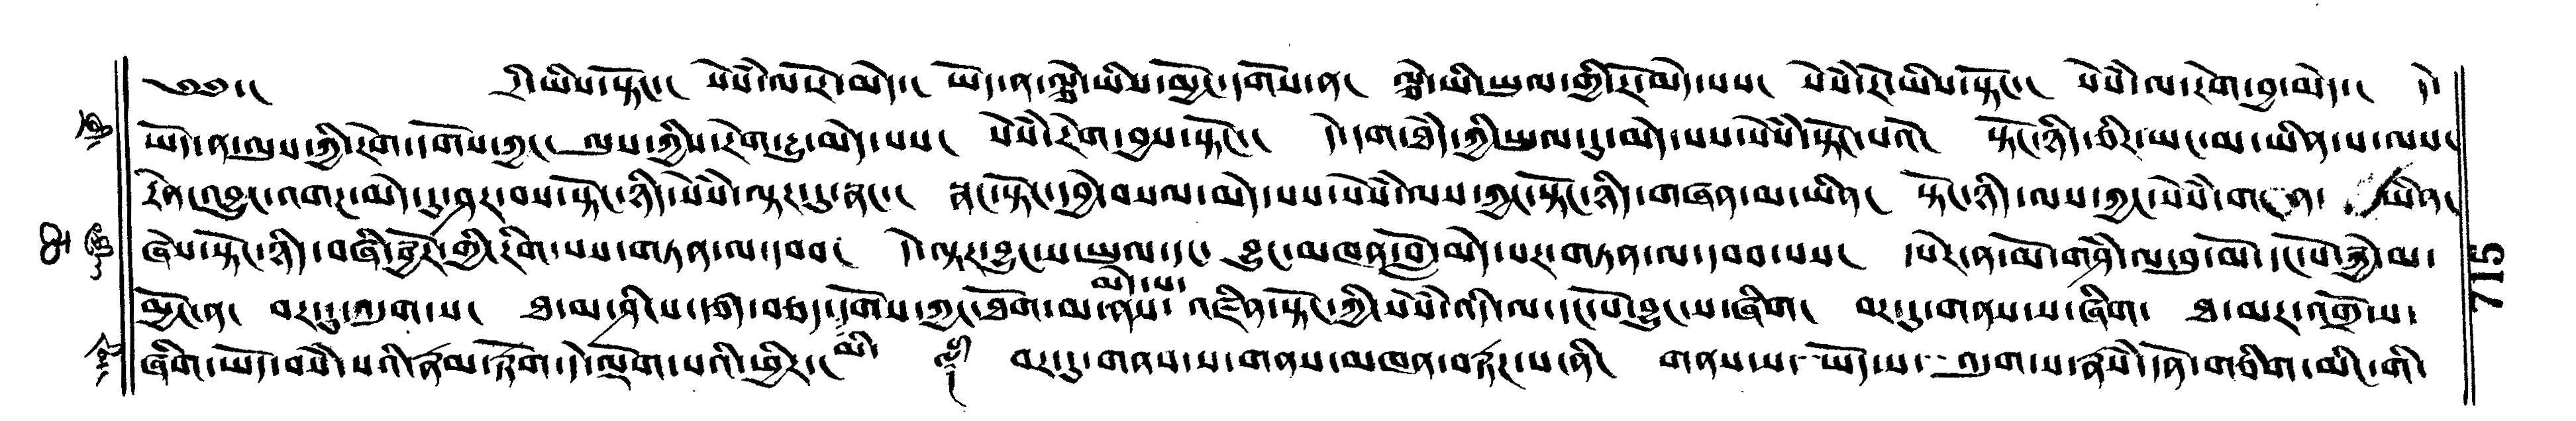དྲི་ཡིས་སྟོང་། སེམས་ལ་རོ་མེད། ཡོད་ན་ལྕེ་ཡིས་མྱོང་དགོས་ན། ལྕེ་ཡི་ཡུལ་གྱི་རོ་མེད་པས། སེམས་རོ་ཡིས་སྟོང་། སེམས་ལ་རེག་བྱ་མེད། དེ་
ཡོད་ན་ལུས་ཀྱི་རེག་དགོས་ཀྱང་། ལུས་ཀྱིས་རེག་རྒྱུ་མེད་པས། སེམས་རེག་བྱས་སྟོང་། དེ་དག་ཐམས་ཅད་ཀྱི་ཡུལ་དུ་མེད་པས་སེམས་སྟོང་པའོ། སྟོང་ཉིད་ཅིར་ཡང་མ་ཡིན་པ་ལས་
རྟེན་འབྱུང་འགགས་མེད་དུ་ཤར་བས་སྟོང་ཉིད་སེམས་ལྟར་དུ་སྣང་། སྣང་སྟོང་དབྱེ་བསལ་མེད་པས་སེམས་ལས་ཀྱང་སྟོང་ཉིད་གཞན་མ་ཡིན། སྟོང་ཉིད་ལས་ཀྱང་སེམས་གཞན་ཡིན་
ཞེས་སྟོང་ཉིད་བཞི་སྦྱོར་གྱི་རིགས་པས་གཏན་ལ་དབབ། དེ་ལྟར་བྱུང་ས་ཡུལ་དང་། བྱུང་མཁན་བློ་མེད་པར་གཏན་ལ་དབབ་པས། དཔེར་ན་མོ་གཤམ་ལ་བུ་མོ་དང་པོ་སྐྱེ་མ་
མྱོང་ན་བར་དུ་འདུག་ས། ཐ་མ་ཤི་ས་རྩད་གཅོད་མི་དགོས་ཀྱང་ཐོག་མ་ནས་མེད་པ། འཛིན་སྟོང་གི་སེམས་འདི་ལ་དང་པོ་བྱུང་ས་ཞིག བར་དུ་གནས་ས་ཞིག ཐ་མར་འགྲོ་ས་
ཞིག་ཡོད་བསམ་པའི་རྣམ་རྟོག་དེ་ལྡོག་པའི་ཕྱིར། ༈ བར་དུ་གནས་ས་གནས་མཁན་བརྟག་པ་ནི། གནས་ས་ཡོད་ས་འདུག་ས་རྣམས་དོན་གཅིག་མིང་གི་